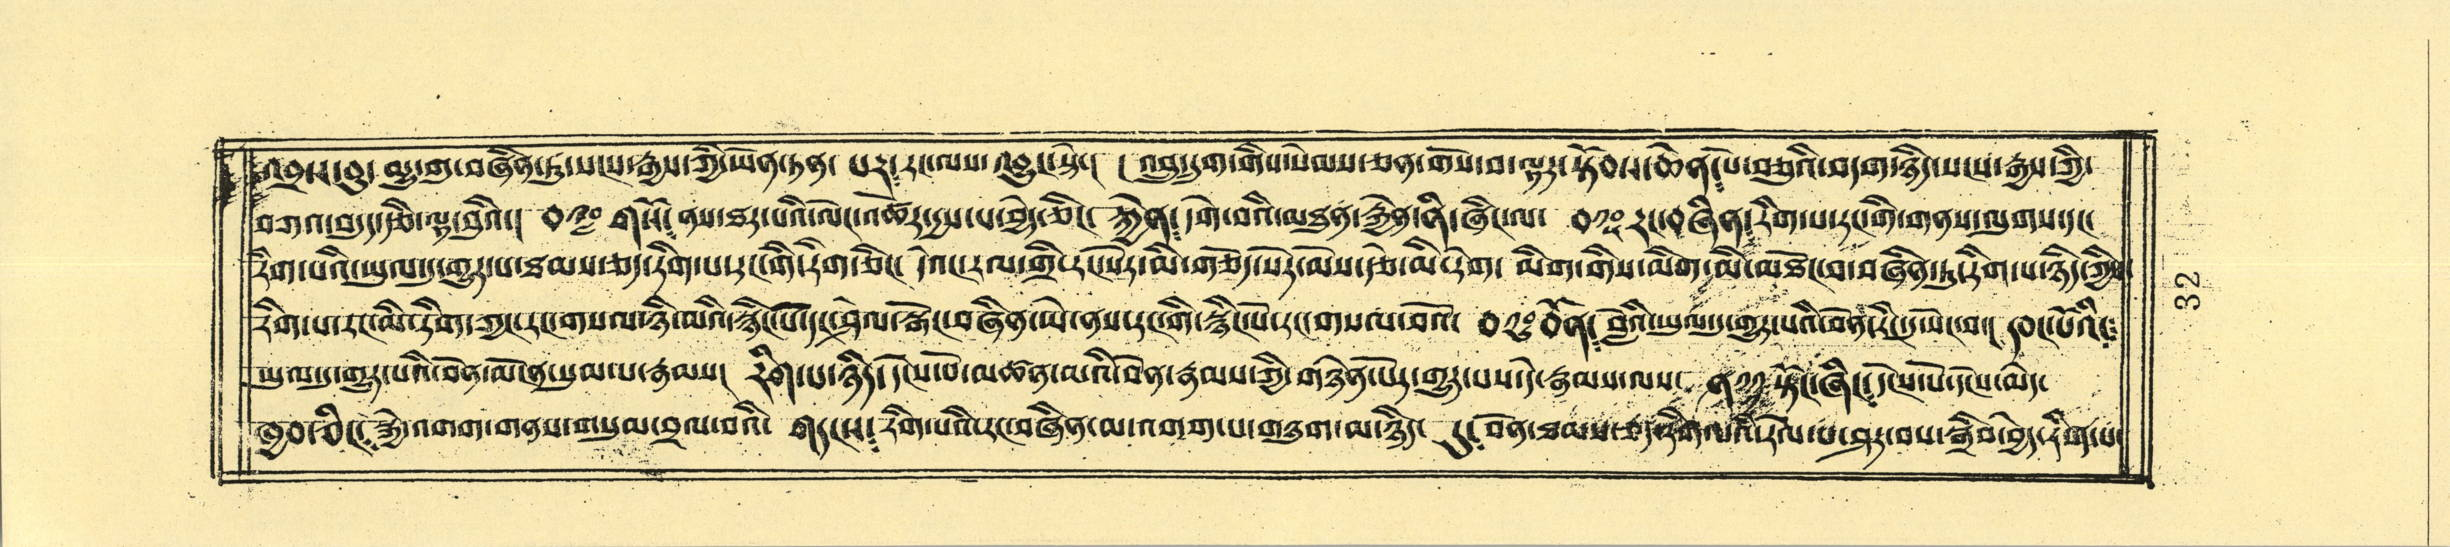འབྲས་བུ༑༼མྱུ་གུ་བཞིན་དུ་སངས་རྒྱས་ཀྱི་ཡོན་ཏན༽པར་༼རང་ལས་འབྱུང་སྟེ། འབྲུ་དྲུག་གིས་སེམས་ཅན་གསོ་བ་ལྟར༽སྟོབས་ཆེན་པོ༑༼པོ་བཅུའི་བདག་ཉིད་སངས་རྒྱས་ཀྱི་
བཀའ་བདུད་རྩི་ལྟ་བུའི༽བ༡༠།༤གསོ༑༼ནས་ཐར་པའི་ལང་ཚོ་རྒྱས་པར་བྱེད་ཅིང༽རྐྱེན༑༼དགེ་བའི་མཐུན་རྐྱེན་ནི་ཞིང་ལ༽བ༡༠།༥ རང་བཞིན༑༼རིག་པ་རང་གི་གནས་ལུགས་དང་
རིག་པའི་ཡུལ་དུ་གྱུར་པ་ཐམས་ཅད་རིག་པ་རང་གིས་རིག་ཅིང་། དེ་ཡང་རལ་གྲི་རང་སོར་མི་གཅོད་སོར་མོས་རྩེ་མི་རེག་མིག་གིས་མིག་མི་མཐོང་བ་བཞིན་དུ་རིག་པ་ཉིད་ཀྱིས་
རིག་པ་རང་མི་རིག་ཀྱང་རང་གསལ་ཉི་མའི་སྙིང་པོ་དང་ཤེལ་སྒོང་བཞིན་ཡེ་ནས་རང་གི་སྙིང་པོ་རང་གསལ་བའོ།༽ བ༡༠།༦ ༼བློ་ཡི་ཡུལ་དུ་གྱུར་པའི་བོན་རིང་དུ་སོང་བ་ ། དབང་པོའི་
ཡུལ་དུ་གྱུར་པའི་བོན་མངོན་སུམ་པ་རྣམས༽རིག་པ་ཉིད་༼དངོས་པོ་མཚན་མའི་བོན་རྣམས་ཀྱི་གཉེན་པོར་གྱུར་པས་དེ་རྣམས་ལས༽ ན༡༡།༡ སྟོང་ཞིང་༼དངོས་པོ་དངོས་མེད༽
ཁྱབ་ཅིང་༼སྐྱེ་འགག་གནས་གསུམ་བྲལ་བའི༽གདངས༑༼རིག་པའི་རང་བཞིན་མ་འགག་པ་གཉུག་མ་ཉིད༽དུ་༼བོན་ཐམས་ཅད་རིག་པའི་རོལ་པ་ཤར་བས་སྒྲིབ་བྱེད་རིག་པ་